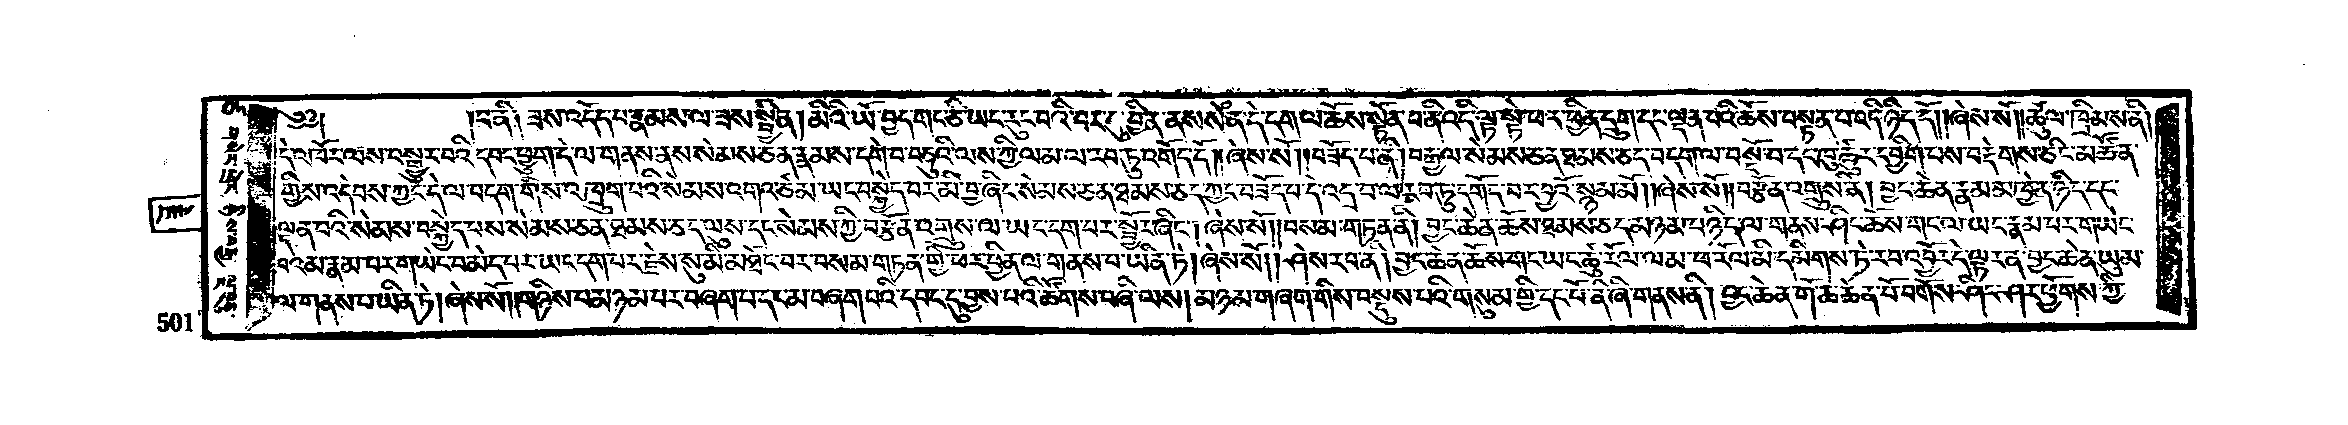༄༅། །པ་ནི། ཟས་འདོད་པ་རྣམས་ལ་ཟས་སྦྱིན། མིའི་ཡོ་བྱད་གང་ཅི་ཡང་རུང་བའི་བར་དུ་བྱིན་ནས་སེམས་ཅན་དེ་དག་ལ་ཆོས་སྟོན་པ་ནི་འདི་ལྟ་སྟེ་ཕར་ཕྱིན་དྲུག་དང་ལྡན་པའི་ཆོས་བསྟན་པ་འདི་ཉིད་དོ། །ཞེས་སོ། །ཚུལ་ཁྲིམས་ནི།
དེ་འཁོར་ལས་བསྒྱུར་བའི་དབང་ཕྱུག་དེ་ལ་གནས་ནས་སེམས་ཅན་རྣམས་དགེ་བ་བཅུའི་ལས་ཀྱི་ལམ་ལ་རབ་ཏུ་འགོད་དོ། །ཞེས་སོ། །བཟོད་པ་ནི། བརྒྱ་ལ་སེམས་ཅན་ཐམས་ཅད་བདག་ལ་བསྔོ་བ་དང་ཁུ་ཚུར་དབྱིག་པས་བརྡེགས་ཅིང་མཚོན་
གྱིས་འདེབས་ཀྱང་དེ་ལ་བདག་གིས་འཁྲུག་པའི་སེམས་འགའ་ཙམ་ཡང་བསྐྱེད་པར་མི་བྱ་ཞིང་སེམས་ཅན་ཐམས་ཅད་ཀྱང་བཟོད་པ་དེ་འདྲ་བ་ལ་རབ་ཏུ་དགོད་བར་བྱའོ་སྙམ་མོ། །ཞེས་སོ། །བརྩོན་འགྲུས་ནི། བྱང་ཆེན་རྣམ་མཁྱེན་ཉིད་དང་
ལྡན་པའི་སེམས་བསྐྱེད་པས་སེམས་ཅན་ཐམས་ཅད་ལུས་དང་སེམས་ཀྱི་བརྩོན་འགྲུས་ལ་ཡང་དག་པར་སྦྱོར་ཞིང་། ཞེས་སོ། །བསམ་གཏན་ནི། བྱང་ཆེན་ཆོས་ཐམས་ཅད་མཉམ་པ་ཉིད་ལ་གནས་ཤིང་ཆོས་གང་ལ་ཡང་རྣམ་པར་གཡེང་
བའམ་རྣམ་པར་གཡེང་བ་མེད་པར་ཡང་དག་པར་རྗེས་སུ་མི་མཐོང་བར་བསམ་གཏན་གྱི་ཕར་ཕྱིན་ལ་གནས་པ་ཡིན་ཏེ། ཞེས་སོ། །ཤེས་རབ་ནི། བྱང་ཆེན་ཆོས་གང་ཡང་ཚུ་རོལ་ལམ་ཕ་རོལ་མི་དམིགས་ཏེ་རབ་འབྱོར་དེ་ལྟར་ན་བྱང་ཆེན་ཡུམ་
ལ་གནས་པ་ཡིན་ཏེ། ཞེས་སོ། །གཉིས་པ་མཉམ་པར་བཞག་པ་དང་མ་བཞག་པའི་དབང་དུ་བྱས་པའི་ཚོགས་བཞི་ལས། མཉམ་གཞག་གིས་བསྡུས་པའི་གསུམ་གྱི་དང་པོ་ནི་ཞི་གནས་ནི། བྱང་ཆེན་གོ་ཆ་ཆེན་པོ་བགོས་ཤིང་ཤར་ཕྱོགས་ཀྱི་